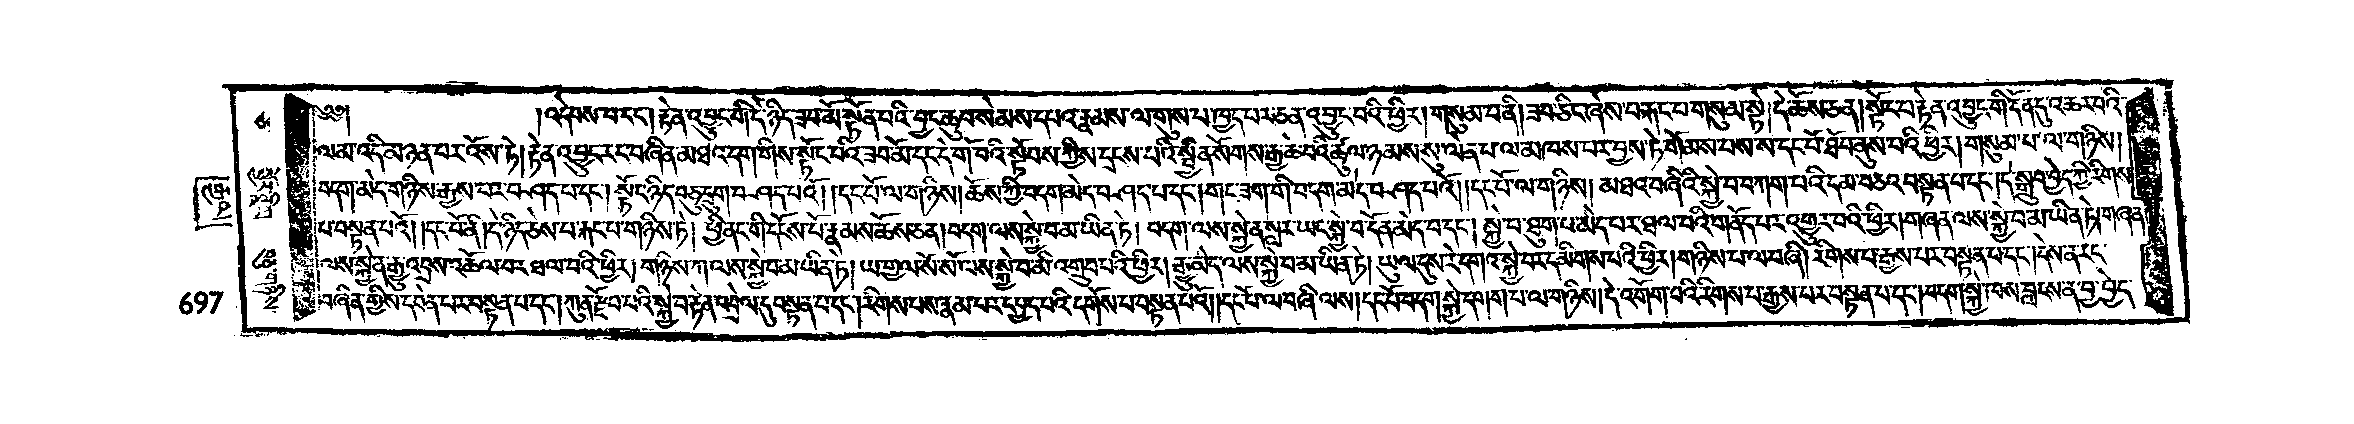༄༅། །འདེབས་པ་དང་། རྟེན་འབྱུང་གི་དེ་ཉིད་ཟབ་མོ་སྟོན་པའི་བྱང་ཆུབ་སེམས་དཔའ་རྣམས་ལ་གུས་པ་ཁྱད་པར་ཅན་འབྱུང་བའི་ཕྱིར། གསུམ་པ་ནི། ཟབ་ཅིང་ཞེས་པ་རྐང་པ་གསུམ་སྟེ། དེ་ཆོས་ཅན། སྟོང་པ་རྟེན་འབྱུང་གི་དོན་དུ་འཆར་བའི་
ལམ་འདི་མཉན་པར་འོས་ཏེ། རྟེན་འབྱུང་རང་བཞིན་མཐའ་དག་གིས་སྟོང་པའི་ཟབ་མོ་དང་དེ་གོ་བའི་སྟོབས་ཀྱིས་དྲངས་པའི་སྦྱིན་སོགས་རྒྱ་ཆེ་བའི་ཚུལ་ཉམས་སུ་ལེན་པ་ལ་མཁས་པར་བྱས་ཏེ་གོམས་པས་ས་དང་པོ་ཐོབ་ནུས་པའི་ཕྱིར། གསུམ་པ་ལ་གཉིས།
བདག་མེད་གཉིས་རྒྱས་པར་བཤད་པ་དང་། སྟོང་ཉིད་བཅུ་དྲུག་བཤད་པའོ། །དང་པོ་ལ་གཉིས། ཆོས་ཀྱི་བདག་མེད་བཤད་པ་དང་། གང་ཟག་གི་བདག་མེད་བཤད་པའོ། །དང་པོ་ལ་གཉིས། མཐའ་བཞིའི་སྐྱེ་བ་བཀག་པའི་དམ་བཅའ་བསྟན་པ་དང་། དེ་སྒྲུབ་བྱེད་ཀྱི་རིགས་
པ་བསྟན་པའོ། །དང་པོ་ནི། དེ་ཉིད་ཅེས་པ་རྐང་པ་གཉིས་ཏེ། ཕྱི་ནང་གི་དངོས་པོ་རྣམས་ཆོས་ཅན། བདག་ལས་སྐྱེ་བ་མ་ཡིན་ཏེ། བདག་ལས་སྐྱེ་ན་སླར་ཡང་སྐྱེ་བ་དོན་མེད་པ་དང་། སྐྱེ་བ་ཐུག་པ་མེད་པར་ཐལ་བའི་གནོད་པར་འགྱུར་བའི་ཕྱིར། གཞན་ལས་སྐྱེ་བ་མ་ཡིན་ཏེ། གཞན་
ལས་སྐྱེ་ན་རྒྱུ་འབྲས་འཆོལ་བར་ཐལ་བའི་ཕྱིར། གཉིས་ཀ་ལས་སྐྱེ་བ་མ་ཡིན་ཏེ། ཡ་གྱལ་སོ་སོ་ལས་སྐྱེ་བ་མི་འགྲུབ་པའི་ཕྱིར། རྒྱུ་མེད་ལས་སྐྱེ་བ་མ་ཡིན་ཏེ། ཡུལ་དུས་རེ་དགའ་སྐྱེ་བར་དམིགས་པའི་ཕྱིར། གཉིས་པ་ལ་བཞི། རིགས་པ་རྒྱས་པར་བསྟན་པ་དང་། དེས་ན་རང་
བཞིན་གྱིས་དབེན་པར་བསྟན་པ་དང་། ཀུན་རྫོབ་པའི་སྐྱེ་བ་རྟེན་འབྲེལ་དུ་བསྟན་པ་དང་། རིགས་པས་རྣམ་པར་དཔྱད་པའི་དགོས་པ་བསྟན་པའོ། །དང་པོ་ལ་བཞི་ལས། དང་པོ་བདག་སྐྱེ་དགག་པ་ལ་གཉིས། དེ་འགོག་པའི་རིགས་པ་རྒྱས་པར་བསྟན་པ་དང་། བདག་སྐྱེ་ཁས་བླངས་ན་བྱ་བྱེད་